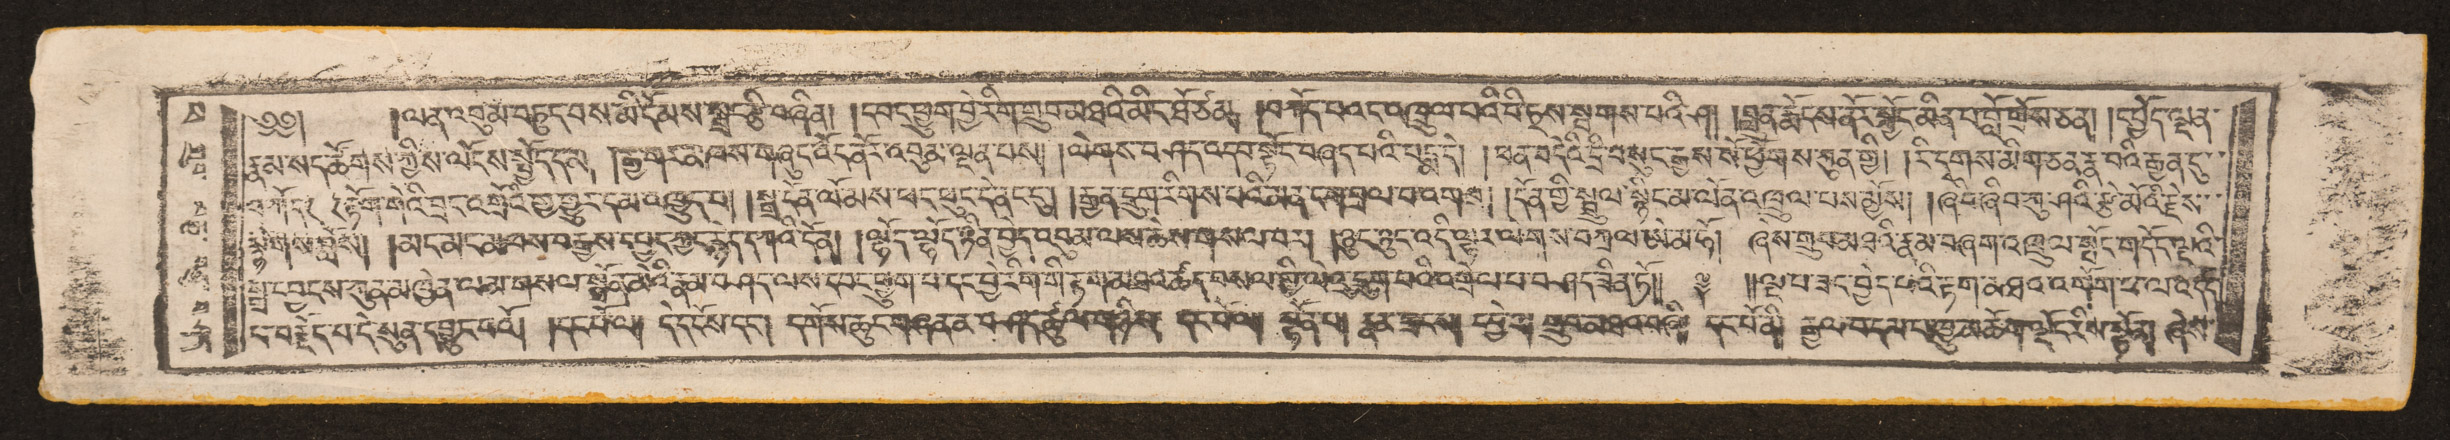༄༅། །ལན་འབུམ་བཏུད་བས་མི་ངོམས་སྦྲང་རྩི་བཞིན། །དབང་ཕྱུག་བྱེ་རིག་གྲུབ་མཐའི་མིང་ཐོ་ཙམ། །བཀོད་པའང་འཁྲུལ་བའི་བི་ཏྲས་སྦགས་པའི་ཤ། །བླུན་རྨོངས་ནོར་སྐྱོང་མིན་པ་བློ་གྲོས་ཅན། །དཔྱོད་ལྡན་
རྣམ་སད་ཚོགས་ཀྱིས་ལོངས་སྤྱོད་དམ། །རྒྱ་གར་མཁས་གཞུང་འོད་ནོར་འབུམ་ལྡན་པས། །ལེགས་བཤད་འདབ་སྟོང་བཞད་པའི་པདམ་དེ། །ཕན་བདེའི་དྲི་བསུང་རྒྱས་སོ་ཕྱོགས་ཀུན་གྱི། །རི་དྭགས་མིག་ཅན་རྣ་བའི་རྒྱན་དུ་
བཀོད༑ ༑རྟོག་གེའི་བྲང་འགྲོའི་གྱ་གྱུར་དམ་འཁྱུད་པ། །སྒྲ་དོན་ལོ་མས་ཕང་ཕུང་དེ་ནང་དུ། །རྒྱན་དྲུག་རིགས་པའི་མན་ངག་བྲལ་བ་འགས། །དོན་གྱི་སྤྲུལ་སྙིང་མ་ལོན་འཁྲུལ་པས་མྱོས། །ཞིབ་ཞིབ་ཀུ་ཤའི་རྩེ་མོའི་རྗེས་
སྙེགས་བློས། །མང་མང་མཁས་བརྒྱས་དཔྱད་?་ཀྱང་རྙེད་དཀའི་དོན། །ལྷོད་ལྷོད་ཉིན་བྱེད་འབུམ་ལས་ཆེས་གསལ་བར། །ཉུང་ཉུང་འདི་ལྟར་ལེགས་བཀྲལ་ཨེ་མ་ཧོ། ཞེས་གྲུབ་མཐའི་རྣམ་བཞག་འཁྲུལ་སྤོང་གདོང་ལྔའི་
སྒྲ་དབྱངས་ཀུན་མཁྱེན་ལམ་གསལ་སྒྲོན་མེའི་རྣམ་བཤད་ལས་དབང་ཕྱུག་པ་དང་བྱེ་རིག་གི་རྟག་མཐའ་ཚད་བསལ་གྱི་ལེའུ་དྲུག་པའི་འགྲེལ་བ་བཤད་ཟིན་ཏོ།། ༈ །།ལྔ་པ་ཟད་བྱེད་པའི་རྟག་མཐའ་འགོག་པ་ལ་འདོད་
པ་བརྗེད་པ་དེ་སུན་དབྱུང་བའོ། །དང་པོ་ལ། དེ་དངོས་དང་། དགོས་ཆུང་གཞན་མ་བཤད་ཚུལ་གཉིས། དང་པོ་ལ། སྟོན་པ། རྣམ་གྲངས། དབྱེ་བ། གྲུབ་མཐའ་བཞི། དང་པོ་ནི། རྒྱལ་བ་དམ་པ་ཁྱུ་མཆོག་ལྡོང་རིས་སྟོན། ཞེས་